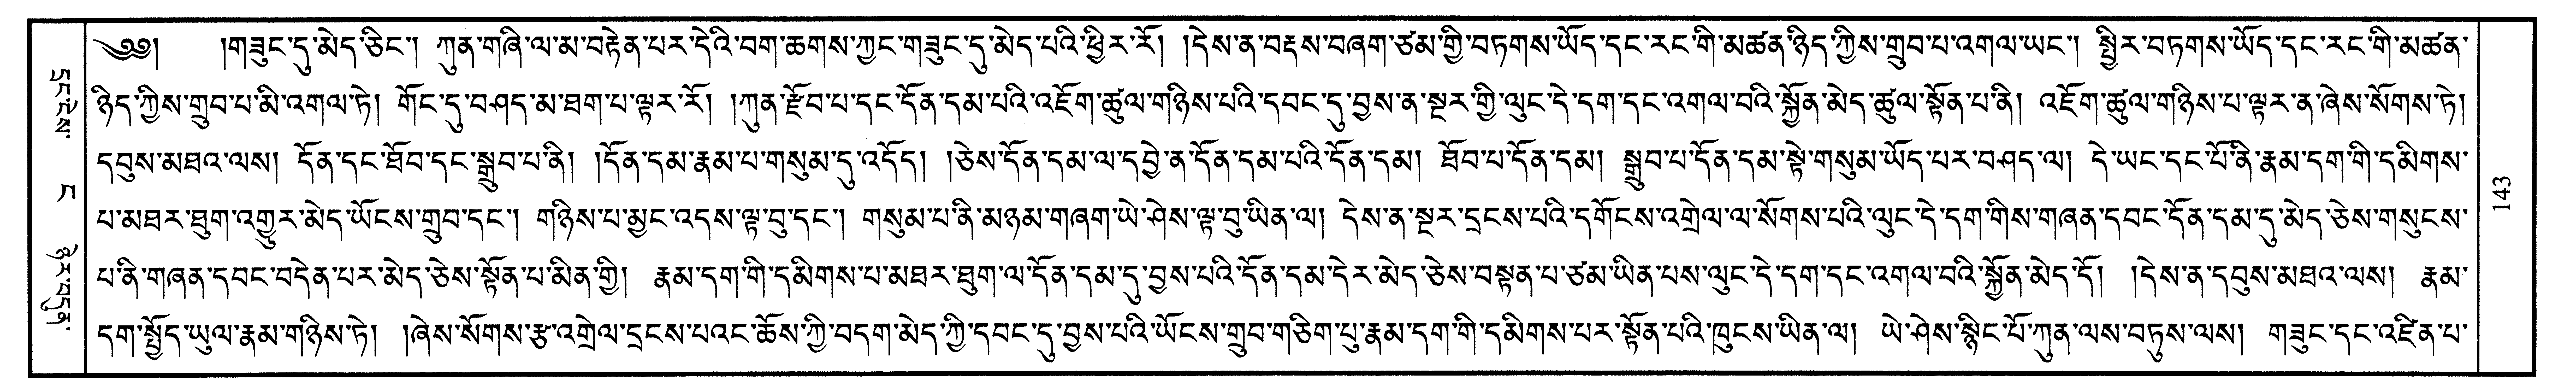༄༅། །གཟུང་དུ་མེད་ཅིང་། ཀུན་གཞི་ལ་མ་བརྟེན་པར་དེའི་བག་ཆགས་ཀྱང་གཟུང་དུ་མེད་པའི་ཕྱིར་རོ། །དེས་ན་བརྡས་བཞག་ཙམ་གྱི་བཏགས་ཡོད་དང་རང་གི་མཚན་ཉིད་ཀྱིས་གྲུབ་པ་འགལ་ཡང་། སྤྱིར་བཏགས་ཡོད་དང་རང་གི་མཚན་
ཉིད་ཀྱིས་གྲུབ་པ་མི་འགལ་ཏེ། གོང་དུ་བཤད་མ་ཐག་པ་ལྟར་རོ། །ཀུན་རྫོབ་པ་དང་དོན་དམ་པའི་འཇོག་ཚུལ་གཉིས་པའི་དབང་དུ་བྱས་ན་སྔར་གྱི་ལུང་དེ་དག་དང་འགལ་བའི་སྐྱོན་མེད་ཚུལ་སྟོན་པ་ནི། འཇོག་ཚུལ་གཉིས་པ་ལྟར་ན་ཞེས་སོགས་ཏེ།
དབུས་མཐའ་ལས། དོན་དང་ཐོབ་དང་སྒྲུབ་པ་ནི། །དོན་དམ་རྣམ་པ་གསུམ་དུ་འདོད། །ཅེས་དོན་དམ་ལ་དབྱེ་ན་དོན་དམ་པའི་དོན་དམ། ཐོབ་པ་དོན་དམ། སྒྲུབ་པ་དོན་དམ་སྟེ་གསུམ་ཡོད་པར་བཤད་ལ། དེ་ཡང་དང་པོ་ནི་རྣམ་དག་གི་དམིགས་
པ་མཐར་ཐུག་འགྱུར་མེད་ཡོངས་གྲུབ་དང་། གཉིས་པ་མྱང་འདས་ལྟ་བུ་དང་། གསུམ་པ་ནི་མཉམ་གཞག་ཡེ་ཤེས་ལྟ་བུ་ཡིན་ལ། དེས་ན་སྔར་དྲངས་པའི་དགོངས་འགྲེལ་ལ་སོགས་པའི་ལུང་དེ་དག་གིས་གཞན་དབང་དོན་དམ་དུ་མེད་ཅེས་གསུངས་
པ་ནི་གཞན་དབང་བདེན་པར་མེད་ཅེས་སྟོན་པ་མིན་གྱི། རྣམ་དག་གི་དམིགས་པ་མཐར་ཐུག་ལ་དོན་དམ་དུ་བྱས་པའི་དོན་དམ་དེར་མེད་ཅེས་བསྟན་པ་ཙམ་ཡིན་པས་ལུང་དེ་དག་དང་འགལ་བའི་སྐྱོན་མེད་དོ། །དེས་ན་དབུས་མཐའ་ལས། རྣམ་
དག་སྤྱོད་ཡུལ་རྣམ་གཉིས་ཏེ། །ཞེས་སོགས་རྩ་འགྲེལ་དྲངས་པའང་ཆོས་ཀྱི་བདག་མེད་ཀྱི་དབང་དུ་བྱས་པའི་ཡོངས་གྲུབ་གཅིག་པུ་རྣམ་དག་གི་དམིགས་པར་སྟོན་པའི་ཁུངས་ཡིན་ལ། ཡེ་ཤེས་སྙིང་པོ་ཀུན་ལས་བཏུས་ལས། གཟུང་དང་འཛིན་པ་